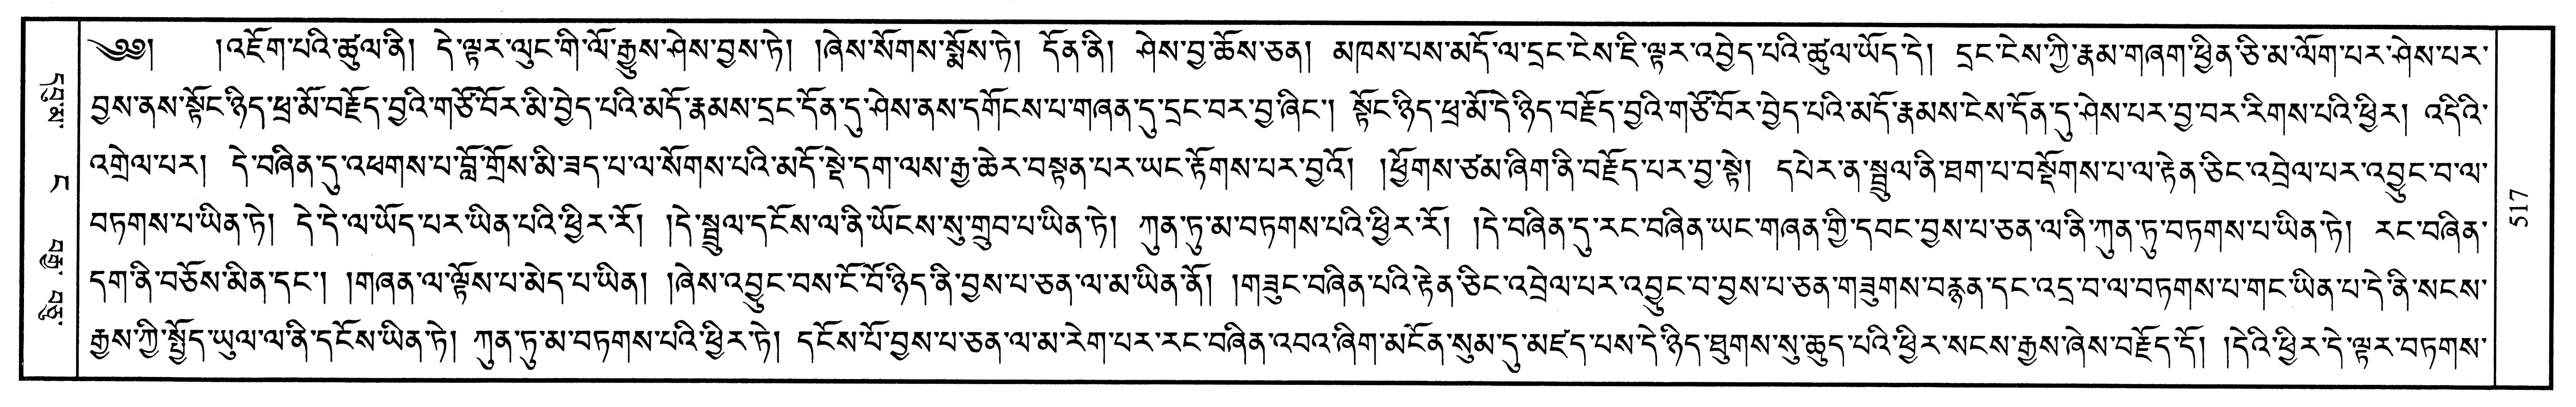༄༅། །འཇོག་པའི་ཚུལ་ནི། དེ་ལྟར་ལུང་གི་ལོ་རྒྱུས་ཤེས་བྱ་ཏེ། །ཞེས་སོགས་སྨོས་ཏེ། དོན་ནི། །ཤེས་བྱ་ཆོས་ཅན། མཁས་པས་མདོ་ལ་དྲང་ངེས་ཇི་ལྟར་འབྱེད་པའི་ཚུལ་ཡོད་དེ། དྲང་ངེས་ཀྱི་རྣམ་གཞག་ཕྱིན་ཅི་མ་ལོག་པར་ཤེས་པར་
བྱས་ནས་སྟོང་ཉིད་ཕྲ་མོ་བརྗོད་བྱའི་གཙོ་བོར་མི་བྱེད་པའི་མདོ་རྣམས་དྲང་དོན་དུ་ཤེས་ནས་དགོངས་པ་གཞན་དུ་དྲང་བར་བྱ་ཞིང་། སྟོང་ཉིད་ཕྲ་མོ་དེ་ཉིད་བརྗོད་བྱའི་གཙོ་བོར་བྱེད་པའི་མདོ་རྣམས་ངེས་དོན་དུ་ཤེས་པར་བྱ་བར་རིགས་པའི་ཕྱིར། འདིའི་
འགྲེལ་པར། དེ་བཞིན་དུ་འཕགས་པ་བློ་གྲོས་མི་ཟད་པ་ལ་སོགས་པའི་མདོ་སྡེ་དག་ལས་རྒྱ་ཆེར་བསྟན་པར་ཡང་རྟོགས་པར་བྱའོ། །ཕྱོགས་ཙམ་ཞིག་ནི་བརྗོད་པར་བྱ་སྟེ། དཔེར་ན་སྦྲུལ་ནི་ཐག་པར་བསྡོགས་པ་ལ་རྟེན་ཅིང་འབྲེལ་པར་འབྱུང་བ་ལ་
བཏགས་པ་ཡིན་ཏེ། དེ་དེ་ལ་ཡོད་པར་ཡིན་པའི་ཕྱིར་རོ། །དེ་སྦྲུལ་དངོས་ལ་ནི་ཡོངས་སུ་གྲུབ་པ་ཡིན་ཏེ། ཀུན་ཏུ་མ་བཏགས་པའི་ཕྱིར་རོ། །དེ་བཞིན་དུ་རང་བཞིན་ཡང་གཞན་གྱི་དབང་བྱས་པ་ཅན་ལ་ནི་ཀུན་ཏུ་བཏགས་པ་ཡིན་ཏེ། རང་བཞིན་
དག་ནི་བཅོས་མིན་དང་། །གཞན་ལ་ལྟོས་པ་མེད་པ་ཡིན། །ཞེས་འབྱུང་བས་ངོ་བོ་ཉིད་ནི་བྱས་པ་ཅན་ལ་མ་ཡིན་ནོ། །གཟུང་བཞིན་པའི་རྟེན་ཅིང་འབྲེལ་པར་འབྱུང་བ་བྱས་པ་ཅན་གཟུགས་བརྙན་དང་འདྲ་བ་ལ་བཏགས་པ་གང་ཡིན་པ་དེ་ནི་སངས་
རྒྱས་ཀྱི་སྤྱོད་ཡུལ་ལ་ནི་དངོས་ཡིན་ཏེ། ཀུན་ཏུ་མ་བཏགས་པའི་ཕྱིར་ཏེ། དངོས་པོ་བྱས་པ་ཅན་ལ་མ་རེག་པར་རང་བཞིན་འབའ་ཞིག་མངོན་སུམ་དུ་མཛད་པས་དེ་ཉིད་ཐུགས་སུ་ཆུད་པའི་ཕྱིར་སངས་རྒྱས་ཞེས་བརྗོད་དོ། །དེའི་ཕྱིར་དེ་ལྟར་བཏགས་